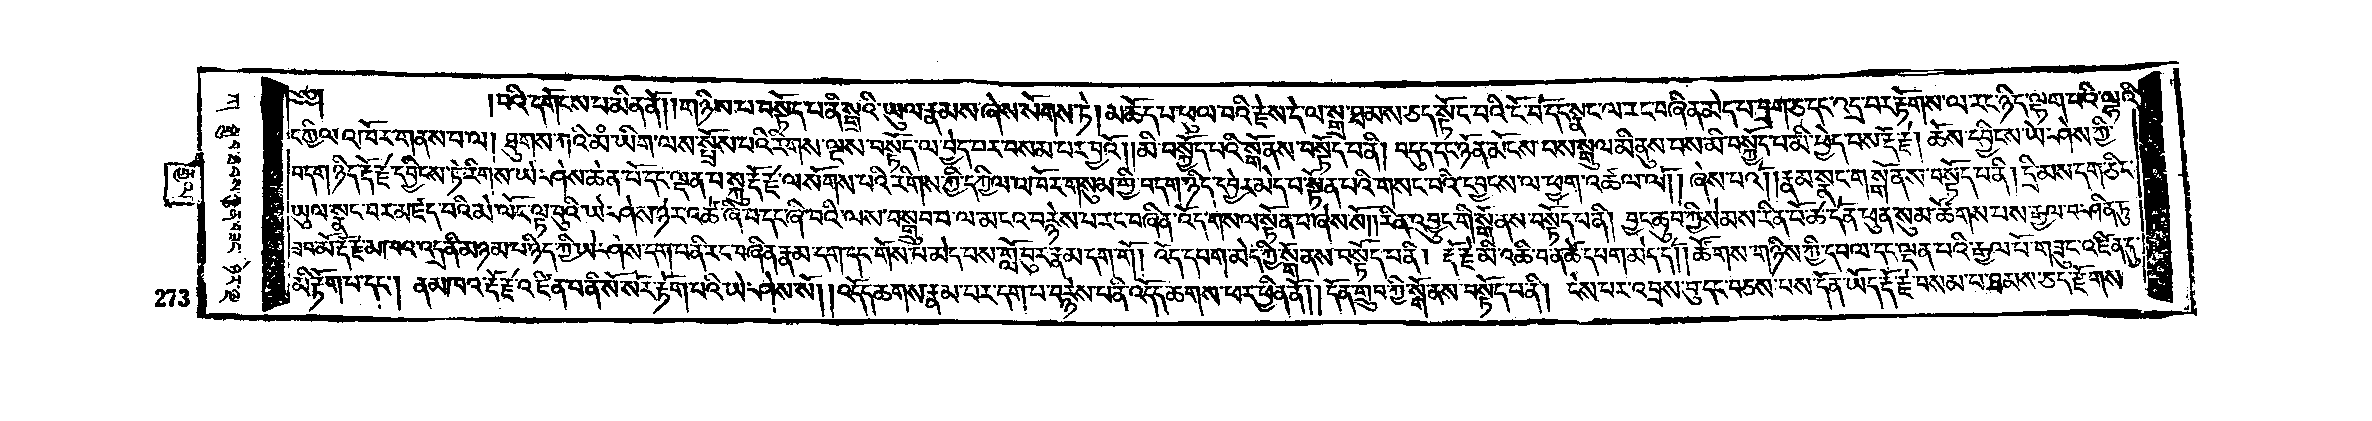༄༅། །བའི་དགོངས་པ་མིན་ནོ། །གཉིས་པ་བསྟོད་པ་ནི་སྒྲའི་ཡུལ་རྣམས་ཞེས་སོགས་ཏེ། མཆོད་པ་ཕུལ་བའི་རྗེས་དེ་ལ་སྒྲ་ཐམས་ཅད་སྟོང་པའི་ངོ་བོ་དང་སྣང་ལ་རང་བཞིན་མེད་པ་བྲག་ཅད་དང་འདྲ་བར་རྟོགས་ལ་རང་ཉིད་ལྷག་པའི་ལྷའི་
དཀྱིལ་འཁོར་གནས་པ་ལ། ཐུགས་ཀའི་མཾ་ཡི་ལས་སྤྲོས་པའི་རིགས་ལྔས་བསྟོད་ལ་བྱེད་པར་བསམ་པར་བྱའོ། །མི་བསྐྱོད་པའི་སྒོ་ནས་བསྟོད་པ་ནི། བདུད་དང་ཉོན་མོངས་པས་སྒུལ་མི་ནུས་པས་མི་བསྐྱོད་པ་མི་ཕྱེད་པས་རྡོ་རྗེ། ཆོས་དབྱིངས་ཡེ་ཤེས་ཀྱི་
བདག་ཉིད་རྡོ་རྗེ་དབྱིངས་ཏེ་རིགས་ཡེ་ཤེས་ཆེན་པོ་དང་ལྡན་པ་སྐུ་རྡོ་རྗེ་ལ་སོགས་པའི་རིགས་ཀྱི་དཀྱིལ་འཁོར་གསུམ་གྱི་བདག་ཉིད་དབྱེར་མེད་པ་སྟོན་པའི་གསང་བའི་དབྱངས་ལ་ཕྱག་འཚལ་ལོ། །ཞེས་པའོ། །རྣམ་སྣང་ག་སྒོ་ནས་བསྟོད་པ་ནི། དྲི་མས་དག་ཅིང་
ཡུལ་སྣང་བར་མཛད་པའི་མེ་ལོང་ལྟ་བུའི་ཡེ་ཤེས་ཉེར་འཚེ་ཞི་བ་དང་ཞི་བའི་ལས་བསྒྲུབ་པ་ལ་མངའ་བརྙེས་པ་རང་བཞིན་འོད་གསལ་སྟོན་པ་ཞེས་སོ། །རིན་འབྱུང་གི་སྒོ་ནས་བསྟོད་པ་ནི། བྱང་ཆུབ་ཀྱི་སེམས་རིན་པོ་ཆེ་དོན་ཕུན་སུམ་ཚོགས་པས་རྒྱལ་བ་ཤིན་ཏུ་
ཟབ་མོ་རྡོ་རྗེ་མཁའ་འདྲ་ནི་མཉམ་པ་ཉིད་ཀྱི་ཡེ་ཤེས་དག་པ་ནི་རང་བཞིན་རྣམ་དག་དང་གོས་པ་མེད་པས་གློ་བུར་རྣམ་དག་གོ །འོད་དཔག་མེད་ཀྱི་སྒོ་ནས་བསྟོད་པ་ནི། རྡོ་རྗེ་མི་འཆི་བ་ན་ཚེ་དཔག་མེད་དོ། །ཚོགས་གཉིས་ཡི་དཔལ་དང་ལྡན་པའི་རྒྱལ་པོ་གཟུང་འཛིན་དུ་
མི་རྟོག་པ་དང་། ནམ་མཁའ་རྡོ་རྗེ་འཛིན་པ་ནི་སོ་སོར་རྟོག་པའི་ཡེ་ཤེས་སོ། །འདོད་ཆགས་རྣམ་པར་དག་པ་བརྙེས་པ་ནི་འདོད་ཆགས་ཕར་ཕྱིན་ནོ། །དོན་གྲུབ་ཀྱི་སྒོ་ནས་བསྟོད་པ་ནི། ངེས་པར་འབྲས་བུ་དང་བཅས་པས་དོན་ཡོད་རྡོ་རྗེ་བསམ་པ་ཐམས་ཅད་རྫོགས་